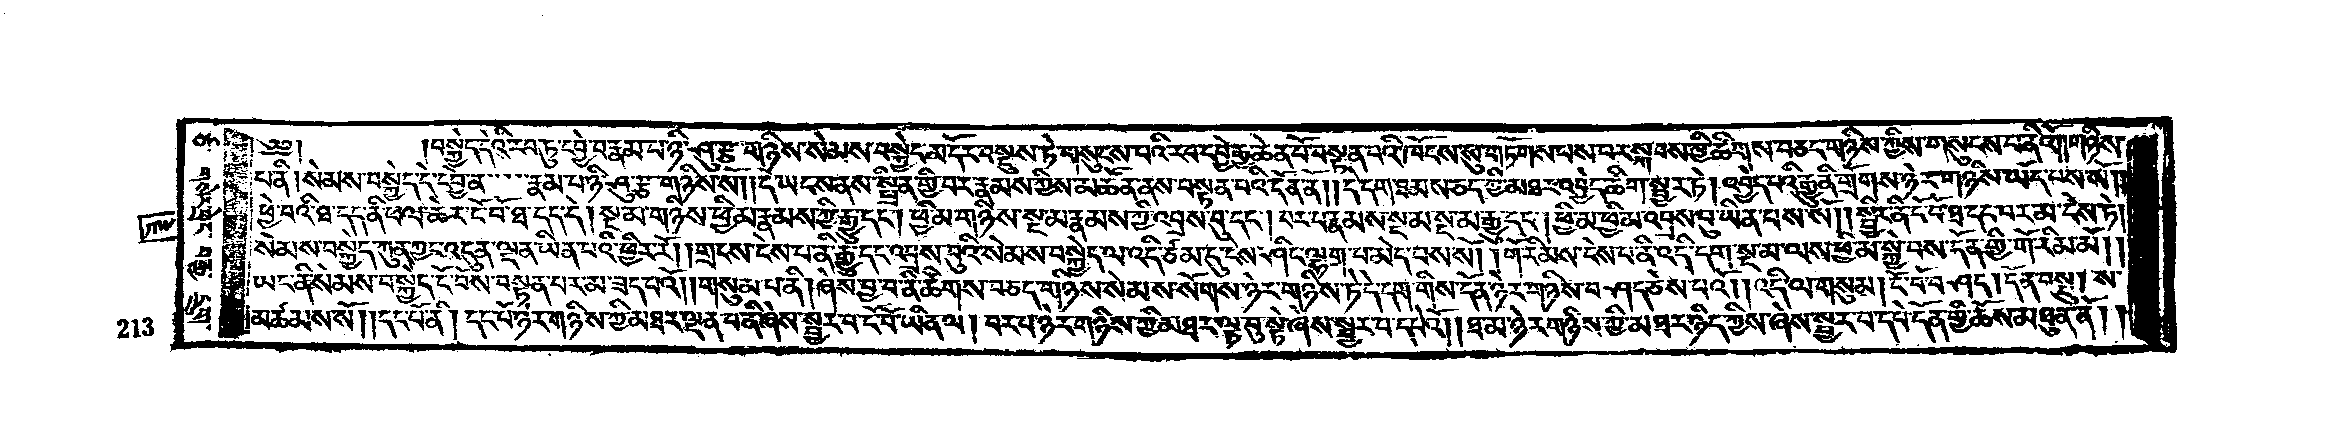༄༅། །བསྐྱེད་དེའི་རབ་ཏུ་དབྱེ་བ་རྣམ་པ་ཉི་ཤུ་རྩ་གཉིས་སེམས་བསྐྱེད་མདོར་བསྡུས་ཏེ་གསུངས་པའི་རབ་དབྱེ་རྒྱ་ཆེན་པོ་བསྟན་པའི་ཁོངས་སུ་གཏོགས་པས་བར་སྐབས་ཀྱི་ཚིགས་བཅད་གཉིས་ཀྱིས་གསུངས་པ་ནིའོ། །གཉིས་
པ་ནི། སེམས་བསྐྱེད་དེ་དབྱེ་ན་རྣམ་པ་ཉི་ཤུ་རྩ་གཉིས་སོ། །དེ་ཡང་ས་ནས་སྤྲིན་གྱི་བར་རྣམས་ཀྱིས་མཚོན་ནས་བསྟན་པའི་དོན་ནོ། །དེ་དག་ཐམས་ཅད་ཀྱི་མཐར་འབྱེད་ཚིག་སྦྱར་ཏེ། འབྱེད་པའི་རྒྱུ་ནི་གྲོགས་ཉེར་གཉིས་ཡོད་པས་སོ། །
ཕྱེ་བའི་ཐ་དད་ནི་ཕལ་ཆེར་ངོ་བོ་ཐ་དད་དེ། སྔ་མ་གཉིས་ཕྱི་མ་རྣམས་ཀྱི་རྒྱུ་དང་། ཕྱི་མ་གཉིས་སྔ་མ་རྣམས་ཀྱི་འབྲས་བུ་དང་། བར་པ་རྣམས་སྔ་མ་སྔ་མ་རྒྱུ་དང་། ཕྱི་མ་ཕྱི་མ་འབྲས་བུ་ཡིན་པས་སོ། །སྤྱིར་ནི་ངོ་བོ་ཐ་དད་པར་མ་ངེས་ཏེ།
སེམས་བསྐྱེད་ཀུན་ཀྱང་འདུན་ལྡན་ཡིན་པའི་ཕྱིར་རོ། །གྲངས་ངེས་པ་ནི་རྒྱུ་དང་འབྲས་བུའི་སེམས་བསྐྱེད་ལ་འདི་ཙམ་དུ་ངེས་ཤིང་ལྷག་པ་མེད་པས་སོ། །གོ་རིམས་ངེས་པ་ནི་འདི་དག་སྔ་མ་ལས་ཕྱི་མ་སྐྱེ་བས་དོན་གྱི་གོ་རིམ་མོ། །
ཡང་ནི་སེམས་བསྐྱེད་ངོ་བོས་བསྟན་པར་མ་ཟད་པའོ། །གསུམ་པ་ནི། ཞེས་བྱ་བ་ནི་ཚིགས་བཅད་གཉིས་སམ་ས་སོགས་ཉེར་གཉིས་ཏེ་དེ་དག་གིས་དོན་ཉེར་གཉིས་བཤད་ཅེས་པའོ། །འདི་ལ་གསུམ། ངོ་བོ་བཤད། དོན་བསྡུ། ས་
མཚམས་སོ། །དང་པོ་ནི། དང་པོ་ཉེར་གཉིས་ཀྱི་མཐར་ལྡན་པ་ནི་ཞེས་སྦྱར་བ་ངོ་བོ་ཡིན་ལ། བར་པ་ཉེར་གཉིས་ཀྱི་མཐར་ལྟ་བུ་སྟེ་ཞེས་སྦྱར་བ་དཔེའོ། །ཐ་མ་ཉེར་གཉིས་ཀྱི་མཐར་ཉིད་ཀྱིས་ཞེས་སྦྱར་བ་དཔེ་དོན་གྱི་ཆོས་མཐུན་ནོ། །